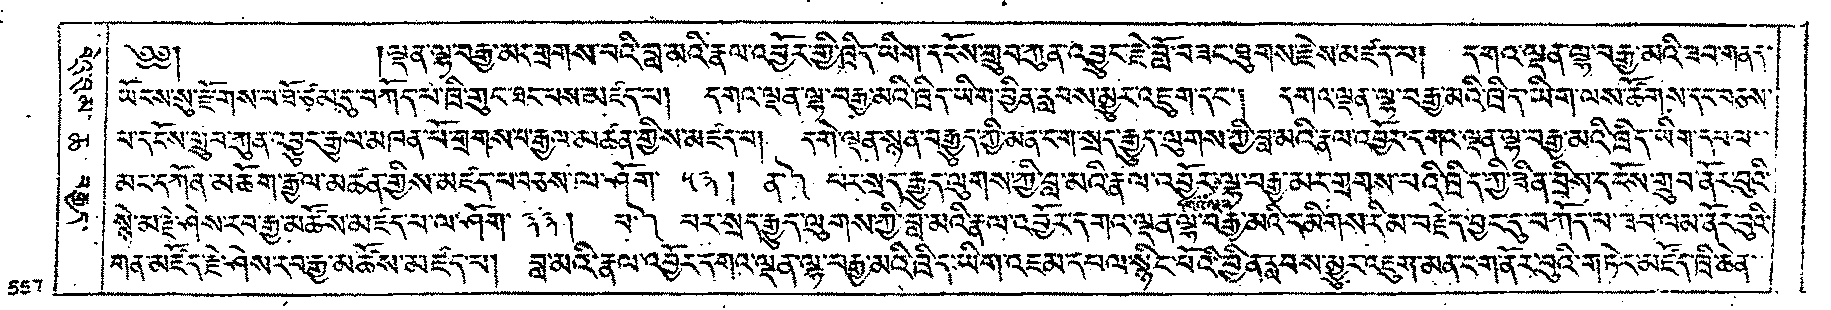༄༅། །ལྡན་ལྷ་བརྒྱ་མར་གྲགས་པའི་བླ་མའི་རྣལ་འབྱོར་གྱི་ཁྲིད་ཡིག་དངོས་གྲུབ་ཀུན་འབྱུང་རྗེ་བློ་བཟང་ཐུགས་རྗེས་མཛད་པ། དགའ་ལྡན་ལྷ་བརྒྱ་མའི་ཟབ་གནད་
ཡོངས་སུ་རྫོགས་པ་ཐོ་ཙམ་དུ་བཀོད་པ་ཁྲི་གུང་ཐང་པས་མཛད་པ། དགའ་ལྡན་ལྷ་བརྒྱ་མའི་ཁྲིད་ཡིག་བྱིན་རླབས་མྱུར་འཇུག་དང་། དགའ་ལྡན་ལྷ་བརྒྱ་མའི་ཁྲིད་ཡིག་ལས་ཚོགས་དང་བཅས་
པ་དངོས་གྲུབ་ཀུན་འབྱུང་རྒྱལ་མཁན་པོ་གྲགས་པ་རྒྱལ་མཚན་གྱིས་མཛད་པ། དགེ་ལྡན་སྙན་བརྒྱུད་ཀྱི་མན་ངག་སྲད་རྒྱུད་ལུགས་ཀྱི་བླ་མའི་རྣལ་འབྱོར་དགའ་ལྡན་ལྷ་བརྒྱ་མའི་ཁྲིད་ཡིག་དཔལ་
མང་དཀོན་མཆོག་རྒྱལ་མཚན་གྱིས་མཛད་པ་བཅས་ལ་ཤོག ༥༣། ན྄་པར་སྲད་རྒྱུད་ལུགས་ཀྱི་བླ་མའི་རྣལ་འབྱོར་དགའ་ལྡན་ལྷ་བརྒྱ་མར་གྲགས་པའི་ཁྲིད་ཀྱི་ཟིན་བྲིས་དངོས་གྲུབ་ནོར་བུའི་
སྙེ་མ་རྗེ་ཤེས་རབ་རྒྱ་མཚོས་མཛད་པ་ལ་ཤོག ༣༣། པ྄་པར་སྲད་རྒྱུད་ལུགས་ཀྱི་བླ་མའི་རྣལ་འབྱོར་དགའ་ལྡན་ལྷ་བརྒྱ་མའི་དམིགས་རིམ་བརྗེད་བྱང་དུ་བཀོད་པ་ཟབ་ལམ་ནོར་བུའི་
གན་མཛོད་རྗེ་ཤེས་རབ་རྒྱ་མཚོས་མཛད་པ། བླ་མའི་རྣལ་འབྱོར་དགའ་ལྡན་ལྷ་བརྒྱ་མའི་ཁྲིད་ཡིག་འཇམ་དཔལ་སྙིང་པོའི་བྱིན་རླབས་མྱུར་འཇུག་མན་ངག་ནོར་བུའི་གཏེར་མཛོད་ཁྲི་ཆེན་